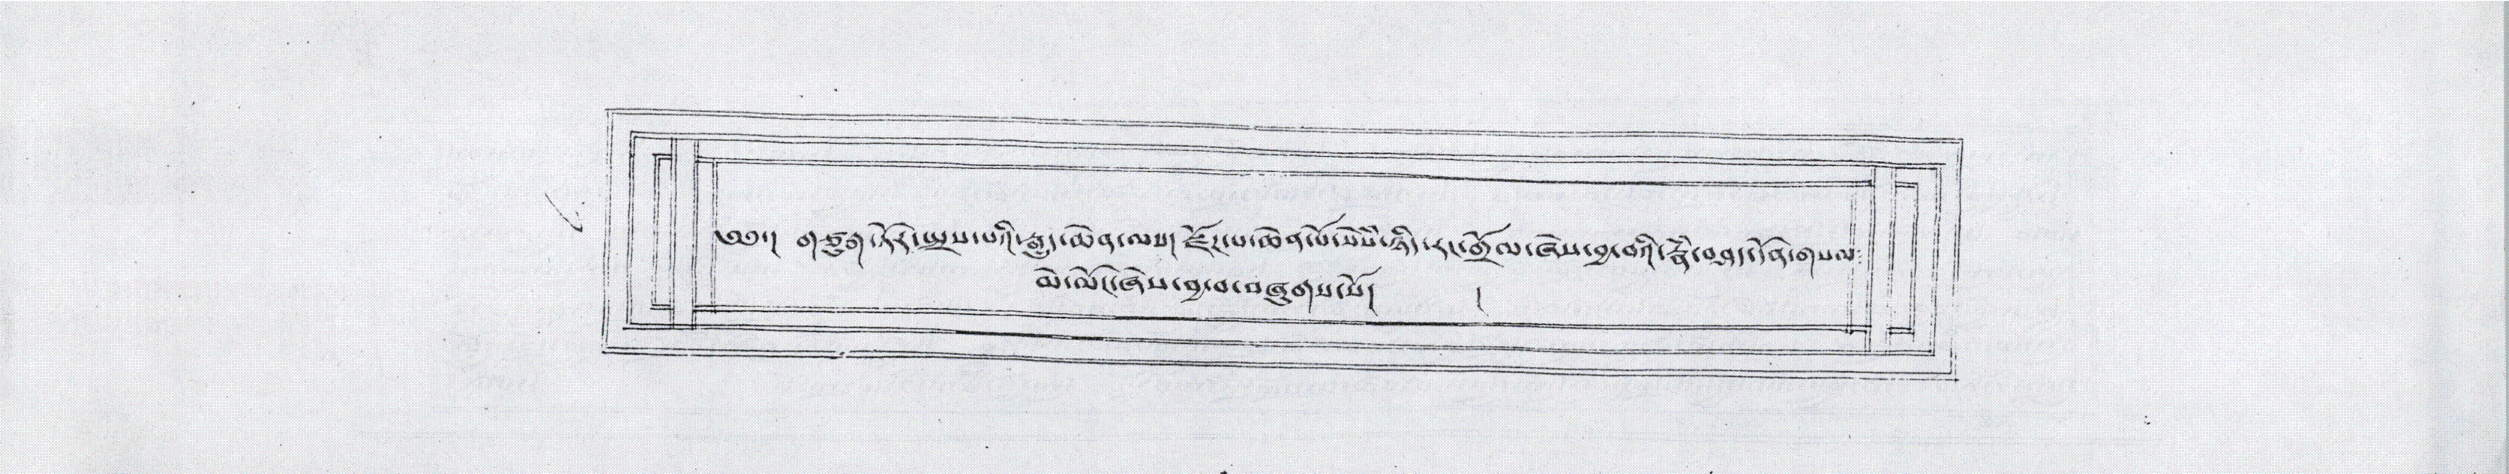༄༅།། གཙུག་ཏོར་སྤྲས་པའི་རྒྱུད་ཆེན་ལས། རྫོགས་པ་ཆེན་པོ་སེམས་ཉིད་རང་གྲོལ་ཞེས་བྱ་བའི་རྣམ་བཤད་དོན་གསལ་མེ་ལོང་ཞེས་བྱ་བ་བཞུགས་སོ།།